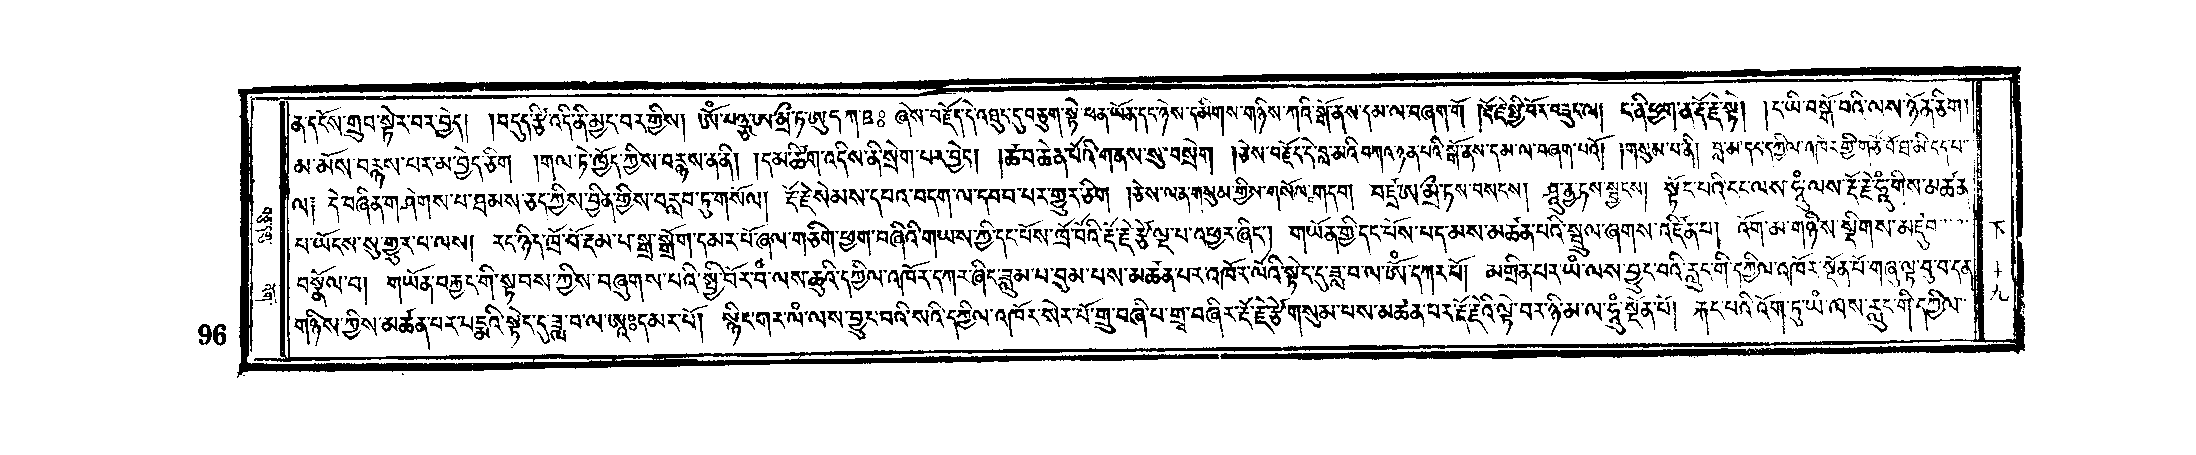ན་དངོས་གྲུབ་སྟེར་བར་བྱེད། །བདུད་རྩི་འདི་ནི་མྱང་བར་གྱིས། ཨོཾ་པཉྩ་ཨ་མྲྀ་ཏ་ཨུད་ཀ་ཊཿཨཿ ཞེས་བརྗོད་དེ་འཐུང་དུ་བཅུག་སྟེ་ཕན་ཡོན་དང་ཉེས་དམིགས་གཉིས་ཀའི་སྒོ་ནས་དམ་ལ་བཞག་གོ །རྡོ་རྗེ་སྤྱི་བོར་བཟུང་ལ། ང་ནི་ཕྱག་ན་རྡོ་རྗེ་སྟེ། །ང་ཡི་བསྒོ་བའི་ལས་ཉོན་ཅིག །
མ་མོས་བརྙས་པར་མ་བྱེད་ཅིག །གལ་ཏེ་ཁྱོད་ཀྱིས་བརྙས་ན་ནི། །དམ་ཚིག་འདིས་ནི་སྲེག་པར་བྱེད། །ཚ་བ་ཆེན་པོའི་གནས་སུ་བསྲེག །ཅེས་བརྗོད་དེ་བླ་མའི་བཀའ་ཉན་པའི་སྒོ་ནས་དམ་ལ་བཞག་པའོ། །གསུམ་པ་ནི། བླ་མ་དང་དཀྱིལ་འཁོར་གྱི་གཙོ་བོ་ཐ་མི་དད་པ་
ལ། དེ་བཞིན་གཤེགས་པ་ཐམས་ཅད་ཀྱིས་བྱིན་གྱིས་བརླབ་ཏུ་གསོལ། རྡོ་རྗེ་སེམས་དཔའ་བདག་ལ་དབབ་པར་གྱུར་ཅིག །ཅེས་ལན་གསུམ་གྱིས་གསོལ་བ་གདབ། བཛྲ་ཨ་མྲྀ་ཏས་བསངས། ཤཱུ་ནྱ་ཏས་སྦྱངས། སྟོང་པའི་ངང་ལས་ཧཱུཾ་ལས་རྡོ་རྗེ་ཧཱུཾ་གིས་མཚན་
པ་ཡོངས་སུ་གྱུར་པ་ལས། རང་ཉིད་ཁྲོ་བོ་རྔམ་པ་སྒྲ་སྒྲོག་དམར་པོ་ཞལ་གཅིག་ཕྱག་བཞིའི་གཡས་ཀྱི་དང་པོས་ཁྲོ་བོའི་རྡོ་རྗེ་རྩེ་ལྔ་པ་འཕྱར་ཞིང་། གཡོན་གྱི་དང་པོས་པད་མས་མཚན་པའི་སྦྲུལ་ཞགས་འཛིན་པ། འོག་མ་གཉིས་སྡིགས་མཛུབ་
བསྣོལ་བ། གཡོན་བརྐྱང་གི་སྟབས་ཀྱིས་བཞུགས་པའི་སྤྱི་བོར་བཾ་ལས་ཆུའི་དཀྱིལ་འཁོར་དཀར་ཞིང་ཟླུམ་པ་བུམ་པས་མཚན་པར་འཁོར་ལོའི་སྟེང་དུ་ཟླ་བ་ལ་ཨོཾ་དཀར་པོ། མགྲིན་པར་ཡཾ་ལས་བྱུང་བའི་རླུང་གི་དཀྱིལ་འཁོར་སྔོན་པོ་གཞུ་ལྟ་བུ་བ་དན་
གཉིས་ཀྱིས་མཚན་པར་པདམའི་སྟེང་དུ་ཟླ་བ་ལ་ཨཱཿ དམར་པོ། སྙིང་གར་ལཾ་ལས་བྱུང་བའི་སའི་དཀྱིལ་འཁོར་སེར་པོ་གྲུ་བཞི་པ་གྲྭ་བཞིར་རྡོ་རྗེ་རྩེ་གསུམ་པས་མཚན་པར་རྡོ་རྗེའི་ལྟེ་བར་ཉི་མ་ལ་ཧཱུཾ་སྔོན་པོ། རྐང་པའི་འོག་ཏུ་ཡཾ་ལས་རླུང་གི་དཀྱིལ་